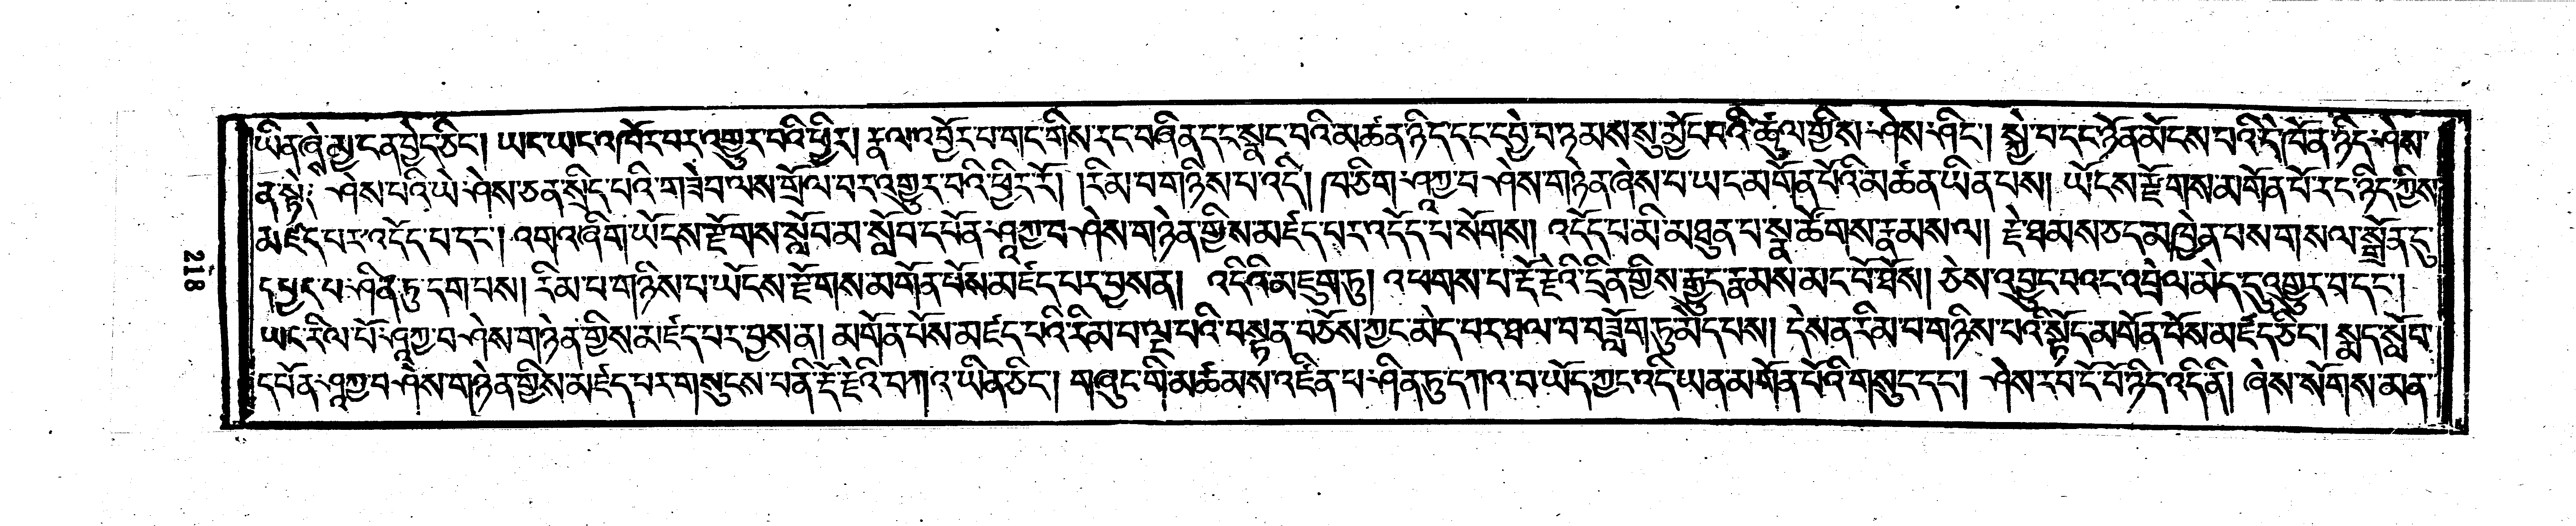ཡིན་ཞེས་མྱ་ངན་བྱེད་ཅིང་། ཡང་ཡང་འཁོར་བར་འགྱུར་པའི་ཕྱིར། རྣལ་འབྱོར་པ་གང་གིས་རང་བཞིན་དང་སྣང་བའི་མཚན་ཉིད་དང་དབྱེ་བ་ཉམས་སུ་མྱོང་བའི་ཚུལ་གྱིས་ཤེས་ཤིང་། སྐྱེ་བ་དང་ཉོན་མོངས་པའི་དེ་ཁོ་ན་ཉིད་ཤེས་
ན་སྟེ། ཤེས་པའི་ཡེ་ཤེས་ཅན་སྲིད་པའི་གཟེབ་ལས་གྲོལ་བར་འགྱུར་བའི་ཕྱིར་རོ། །རིམ་པ་གཉིས་པ་འདི། ཁ་ཅིག་ཤཱཀྱ་བཤེས་གཉེན་ཞེས་པ་ཡང་མགོན་པོའི་མཚན་ཡིན་པས། ཡོངས་རྫོགས་མགོན་པོ་རང་ཉིད་ཀྱིས་
མཛད་པར་འདོད་པ་དང་། འགའ་ཞིག་ཡོངས་རྫོགས་སློབ་མ་སློབ་དཔོན་ཤཱཀྱ་བཤེས་གཉེན་གྱིས་མཛད་པར་འདོད་པ་སོགས། འདོད་པ་མི་མཐུན་པ་སྣ་ཚོགས་རྣམས་ལ། རྗེ་ཐམས་ཅད་མཁྱེན་པས་གསལ་སྒྲོན་དུ་
དཔྱད་པ་ཤིན་ཏུ་དག་པས། རིམ་པ་གཉིས་པ་ཡོངས་རྫོགས་མགོན་པོས་མཛད་པར་བྱས་ན། འདིའི་མཇུག་ཏུ། འཕགས་པ་རྡོ་རྗེའི་དྲིན་གྱིས་རྒྱུད་རྣམས་མང་པོ་ཐོས། ཅེས་འབྱུང་བའང་འབྲེལ་མེད་དུ་འགྱུར་པ་དང་།
ཡང་རིལ་པོ་ཤཱཀྱ་བཤེས་གཉེན་གྱིས་མཛད་པར་བྱས་ན། མགོན་པོས་མཛད་པའི་རིམ་པ་ལྔ་པའི་བསྟན་བཅོས་ཀྱང་མེད་པར་ཐལ་བ་བཟློག་ཏུ་མེད་པས། དེས་ན་རིམ་པ་གཉིས་པའི་སྟོད་མགོན་པོས་མཛད་ཅིང་། སྨད་སློབ་
དཔོན་ཤཱཀྱ་བཤེས་གཉེན་གྱིས་མཛད་པར་གསུངས་པ་ནི་རྡོ་རྗེའི་བཀའ་ཡིན་ཅིང་། གཞུང་གི་མཚམས་འཛིན་པ་ཤིན་ཏུ་དཀའ་བ་ཡོད་ཀྱང་འདི་ཡན་མགོན་པོའི་གསུང་དང་། ཤེས་རབ་ངོ་བོ་ཉིད་འདི་ནི། ཞེས་སོགས་མན་